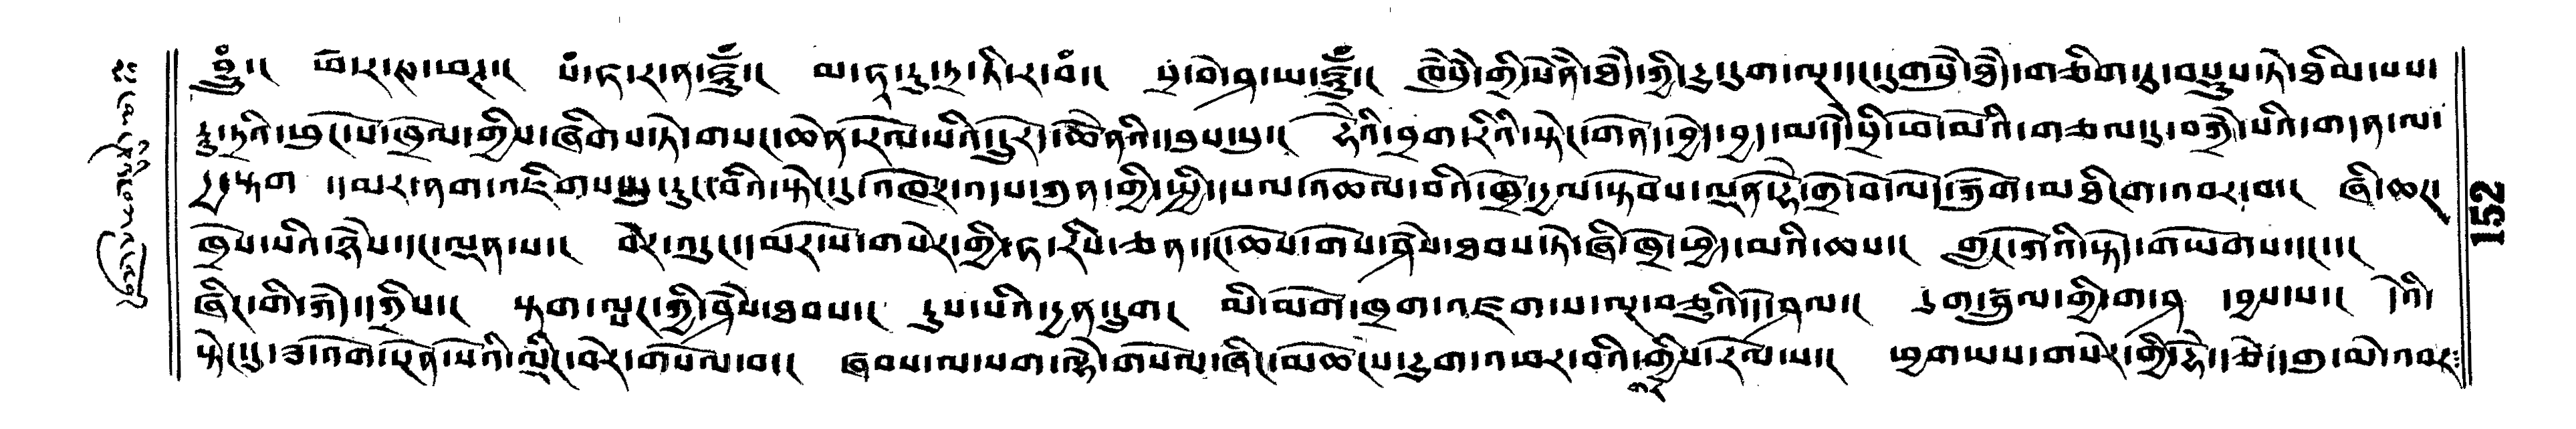བྷྲུཾ། སྥ་ར་ཎ་ཕཊ། སཾ་ཧ་ར་ན་ཧཱུྃ། མ་ཧཱ་རུ་ཏྲ་ཏི་ར་བཾ། པྲ་བེ་ཤ་ཡ་ཧཱུྃ། ཁམས་གསུམ་གྱི་སེམས་ཅན་ཐམས་ཅད་ཀྱི་རྒྱུ་དུག་ལྔ་དང་དུག་གསུམ་ཐམས་ཅད་གཅིག་ཏུ་བསྡུས་ཏེ་ཐིམ་པས་
རཱུ་ཏྲའི་ཕུང་པོ་ཁྲོལ་གྱིས་ཞིག་ཏེ་གསང་ཆེན་རོལ་པའི་དུར་ཁྲོད་ཆེན་པོའི་དབུས་སུ། རྡོ་རྗེའི་བྲག་རིའི་སྟེང་གནོད་བྱེད་བྱད་མ་དམ་སྲི་ཕོ་མོ་གཅལ་དུ་བཀྲམ་པའི་གདན་ལ་
རྒྱ་སྟག་དམར་ནག་འཇིགས་སུ་རུང་བའི་སྟེང་དུ་འཁོར་འདས་ཀུན་གྱི་སྤྱི་དཔལ་འཆོལ་བའི་ཁྲོ་རྒྱལ་སྟོབས་ལྡན་རྡོ་རྗེ་གྲོ་བོ་ལོད་སྐུ་མདོག་མཐིང་ནག་འབར་བ། ཞི་ཆགས་
ཁྲོས་པའི་ཉམས་དང་ལྡན་པ། བེར་མདུང་དམར་པོ་གསེར་གྱི་ཧ་རིས་ཅན་དང་ཆོས་གོས་ཤམ་ཐབས་ཏེ་ཞི་ཁྲོ་ཕྱེད་མའི་ཆས། གླང་ཀོའི་སྟོད་གཡོགས་དང་། 
ཞིང་གི་སྐེད་དཀྲིས། སྟག་ལྤགས་ཀྱི་ཤམ་ཐབས། རུས་པའི་རྒྱན་དྲུག་མི་མགོ་ཁྲག་འཛག་པ་ལྔ་བཅུའི་དོ་ཤལ། དུག་སྦྲུལ་གྱི་ཤ་བྱས་པ། དེའི་
སྟེང་དུ་ཟ་འོག་སྔོན་པོའི་ལྡིང་བེར་གསོལ་བ། ཞབས་ལ་པགས་ལྷམ་གསོལ་ཞིང་མཆོང་རྒྱུག་འཕར་བའི་གར་གྱིས་རོལ་པ། ཕྱག་གཡས་གསེར་གྱི་རྡོ་རྗེ་རྩེ་དགུ་མེ་འབར་